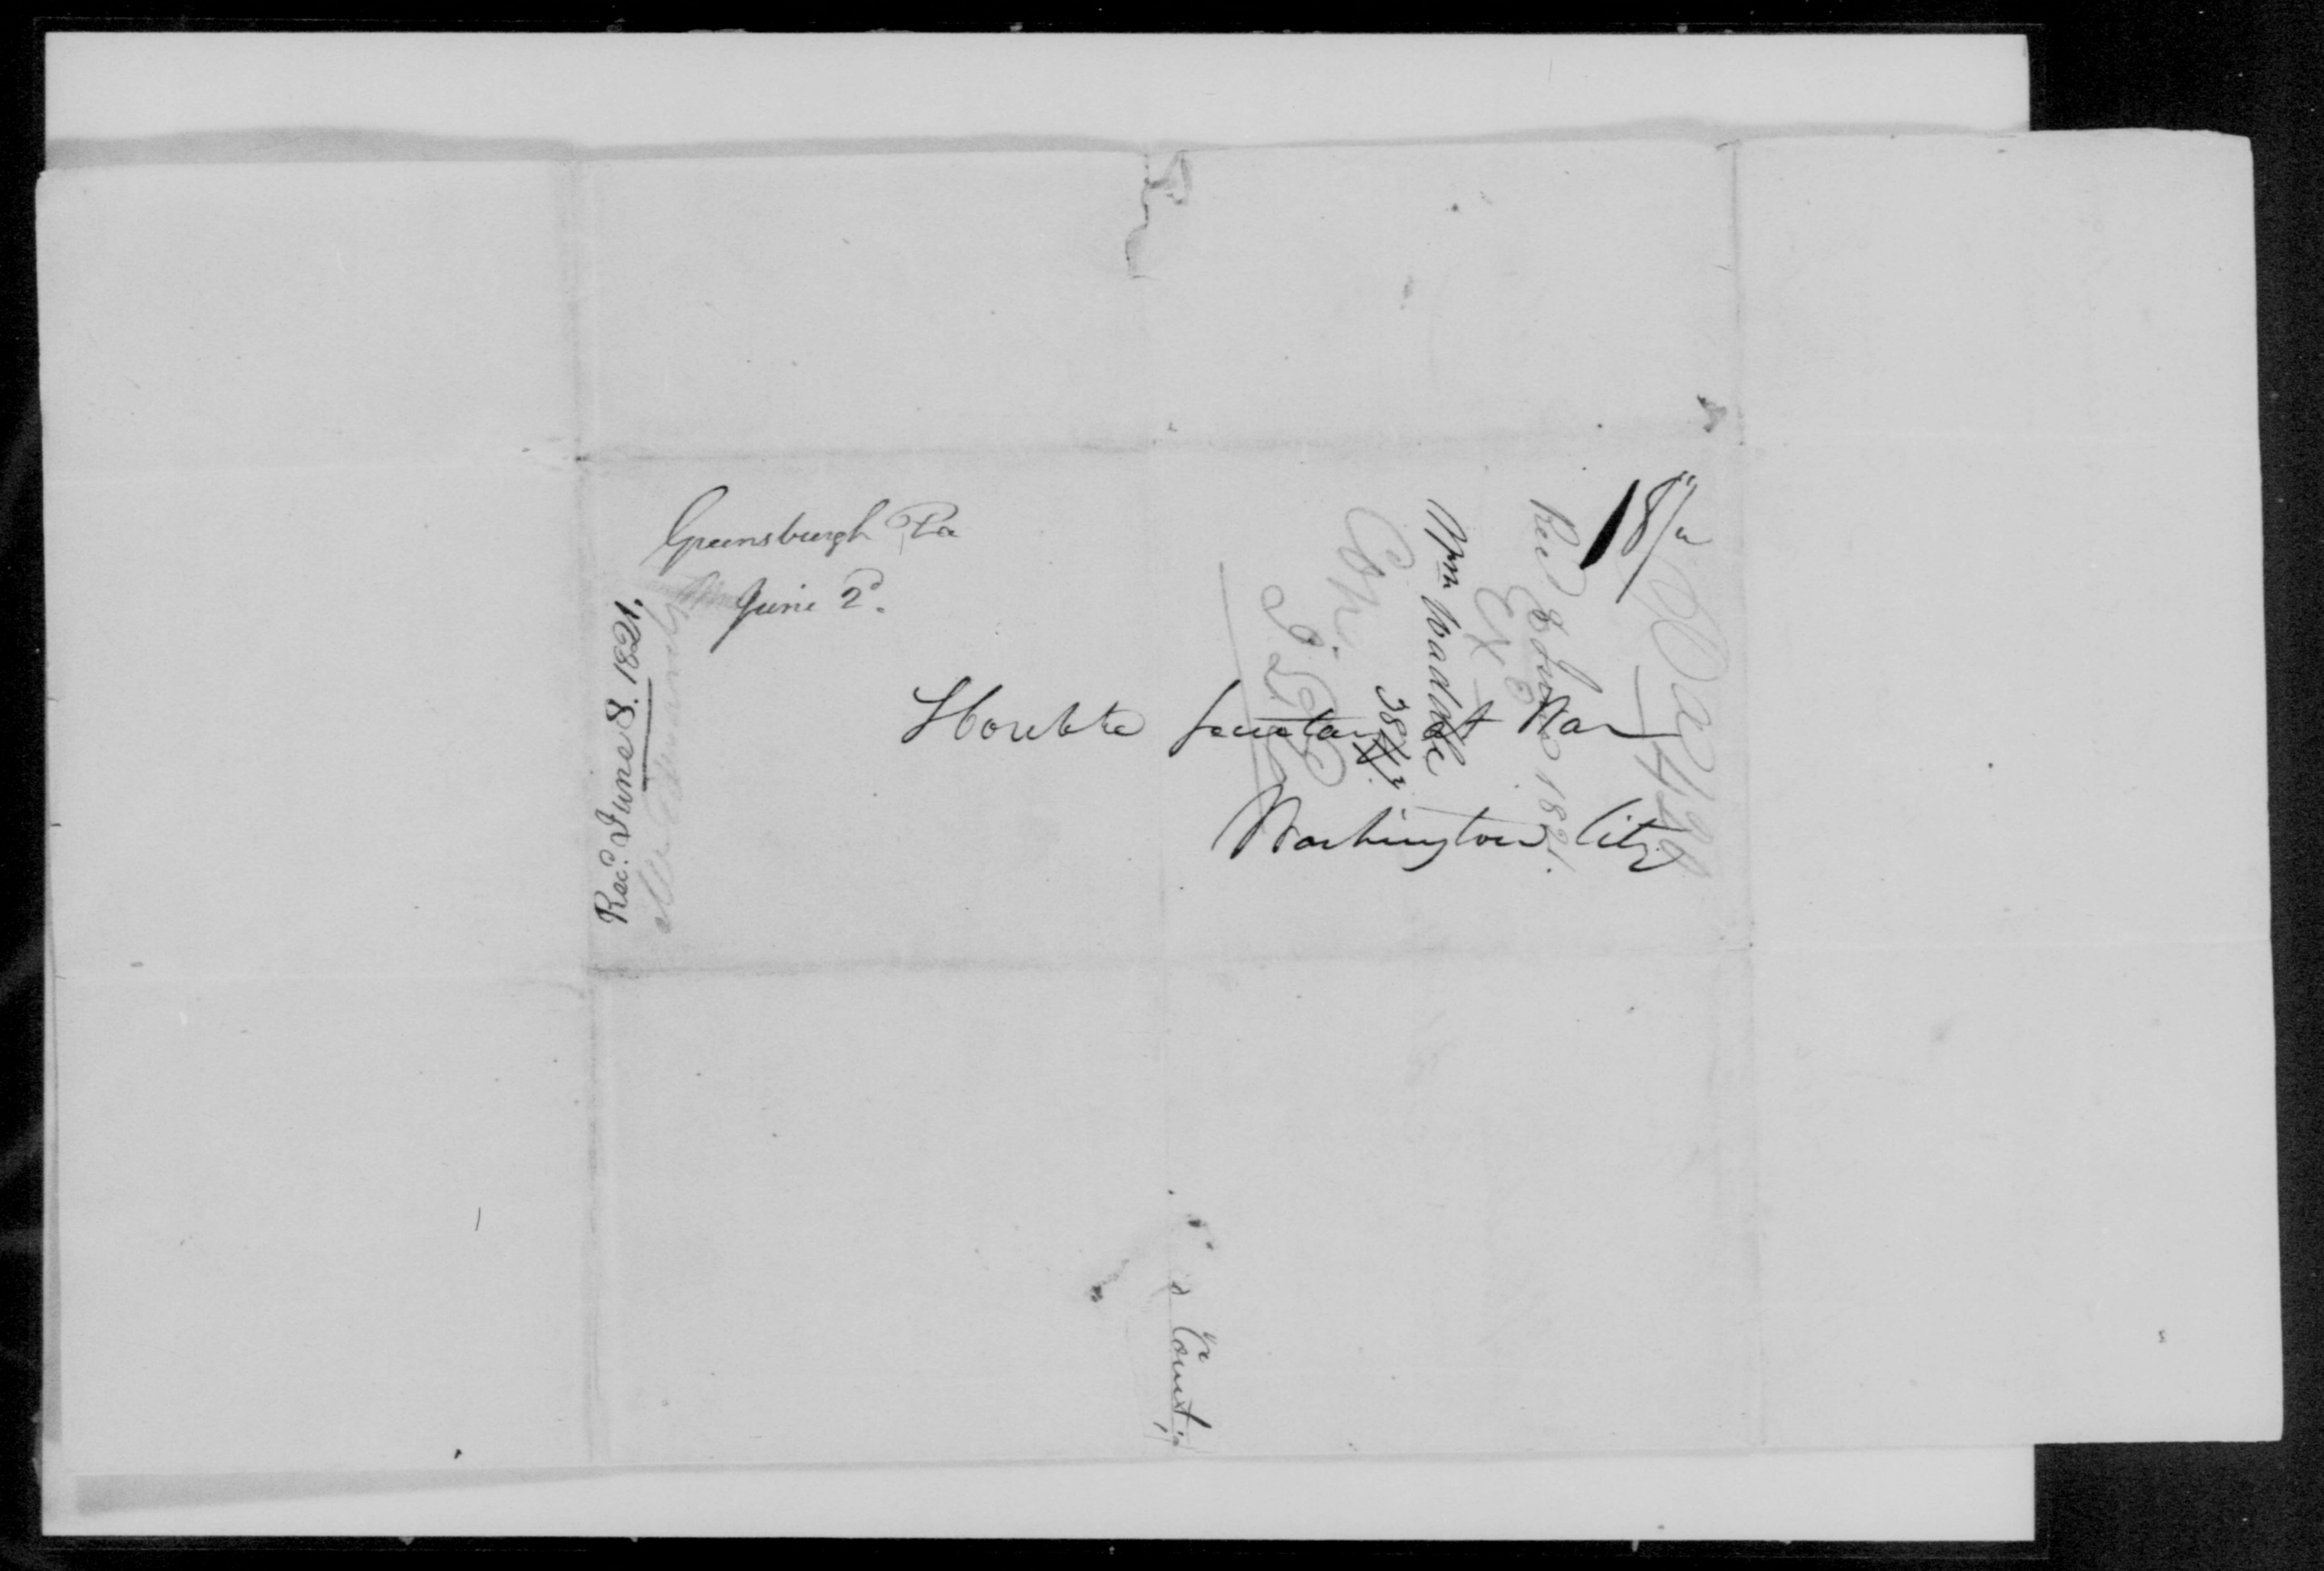Greensburgh Pa
[illegible] June 2d.
Recd. June 8. 1821.
Mr. Edwards
18/a
Honble [Honorable] Secretary at War
Washington City

800 4.20
Recd. 8 June 1821.
Wm Waddle 
3847
Con. J L E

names: Wm Waddle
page: 3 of 42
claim: survivor's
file: S. 40645, William Waddle, Penn.